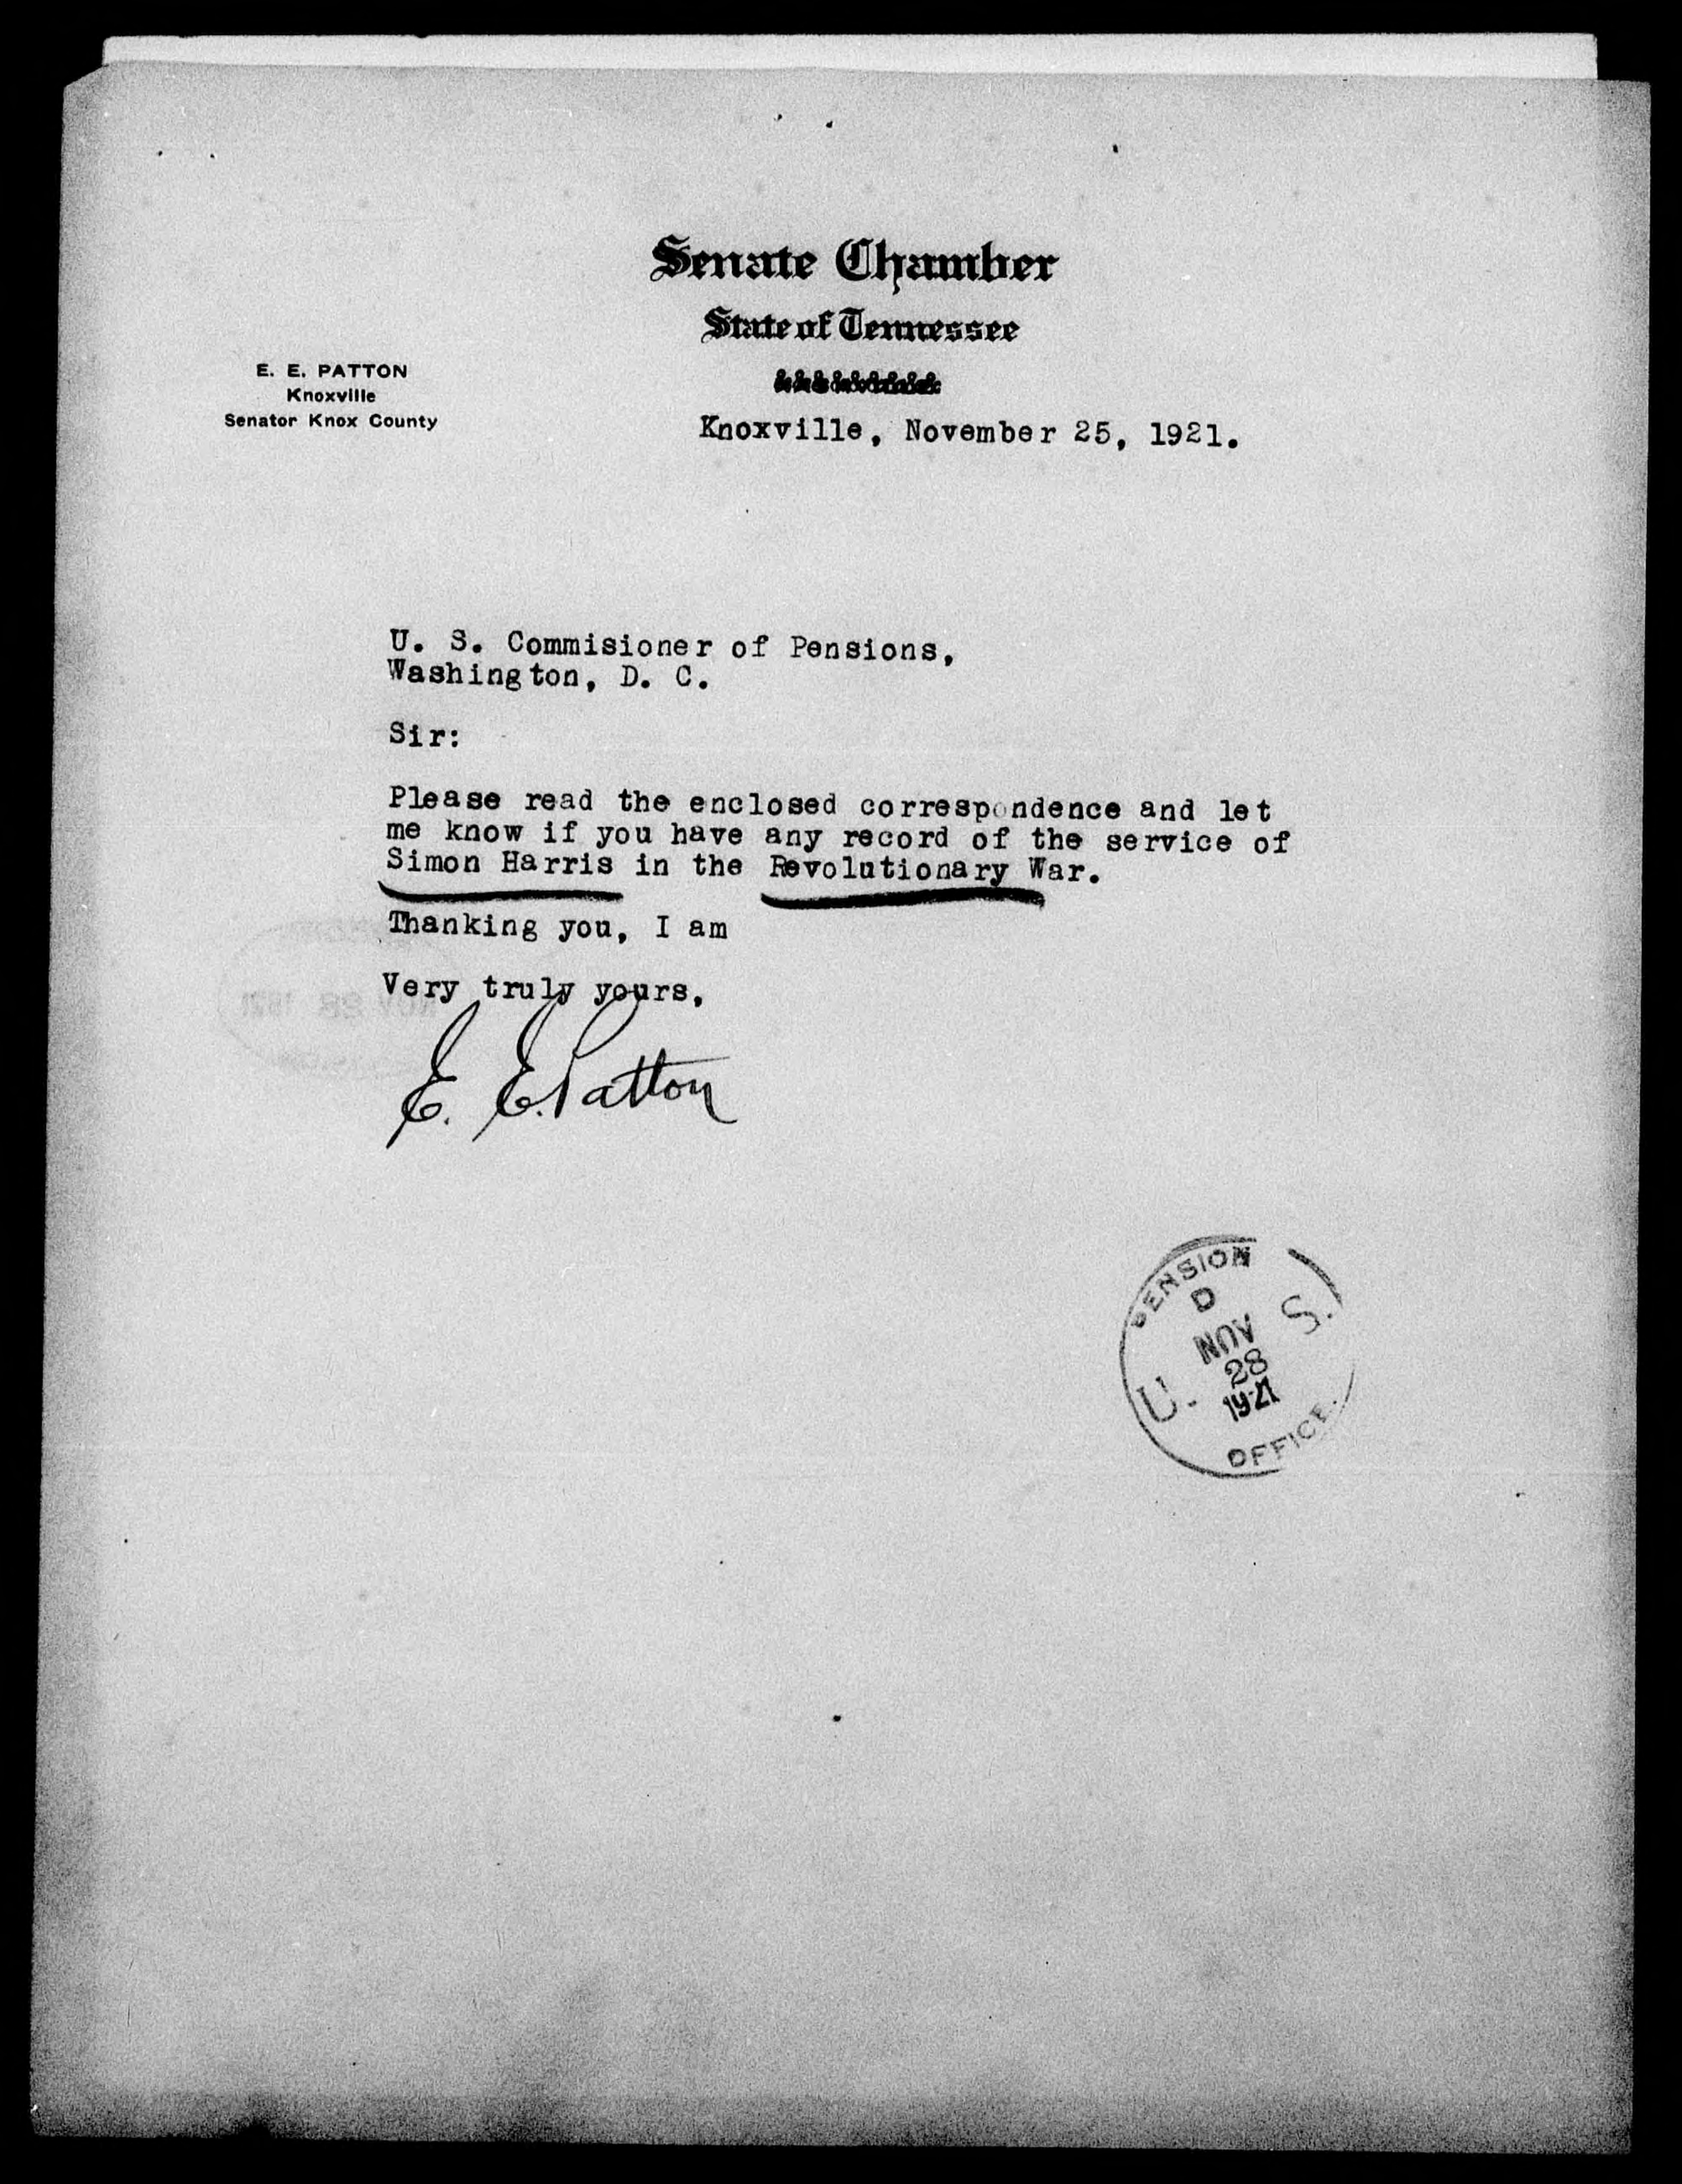Senate Chamber
State of Tennessee

E.E. Patton
Knoxville
Senator Know County

Knoxville, November 25, 1921

U.S. Commisioner of Pensions,
Washington, D.C.

Sir: 

Please read the enclosed correspondence and let me know if you have any record of the service of Simon Harris in the Revolutionary War. 

Thanking you, I am
Very truly yours,
E.E. Patton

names: Simon Harris, E E Patton, E E Patton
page: 20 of 24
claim: rejected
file: R. 4684, Simon Harris, Va.